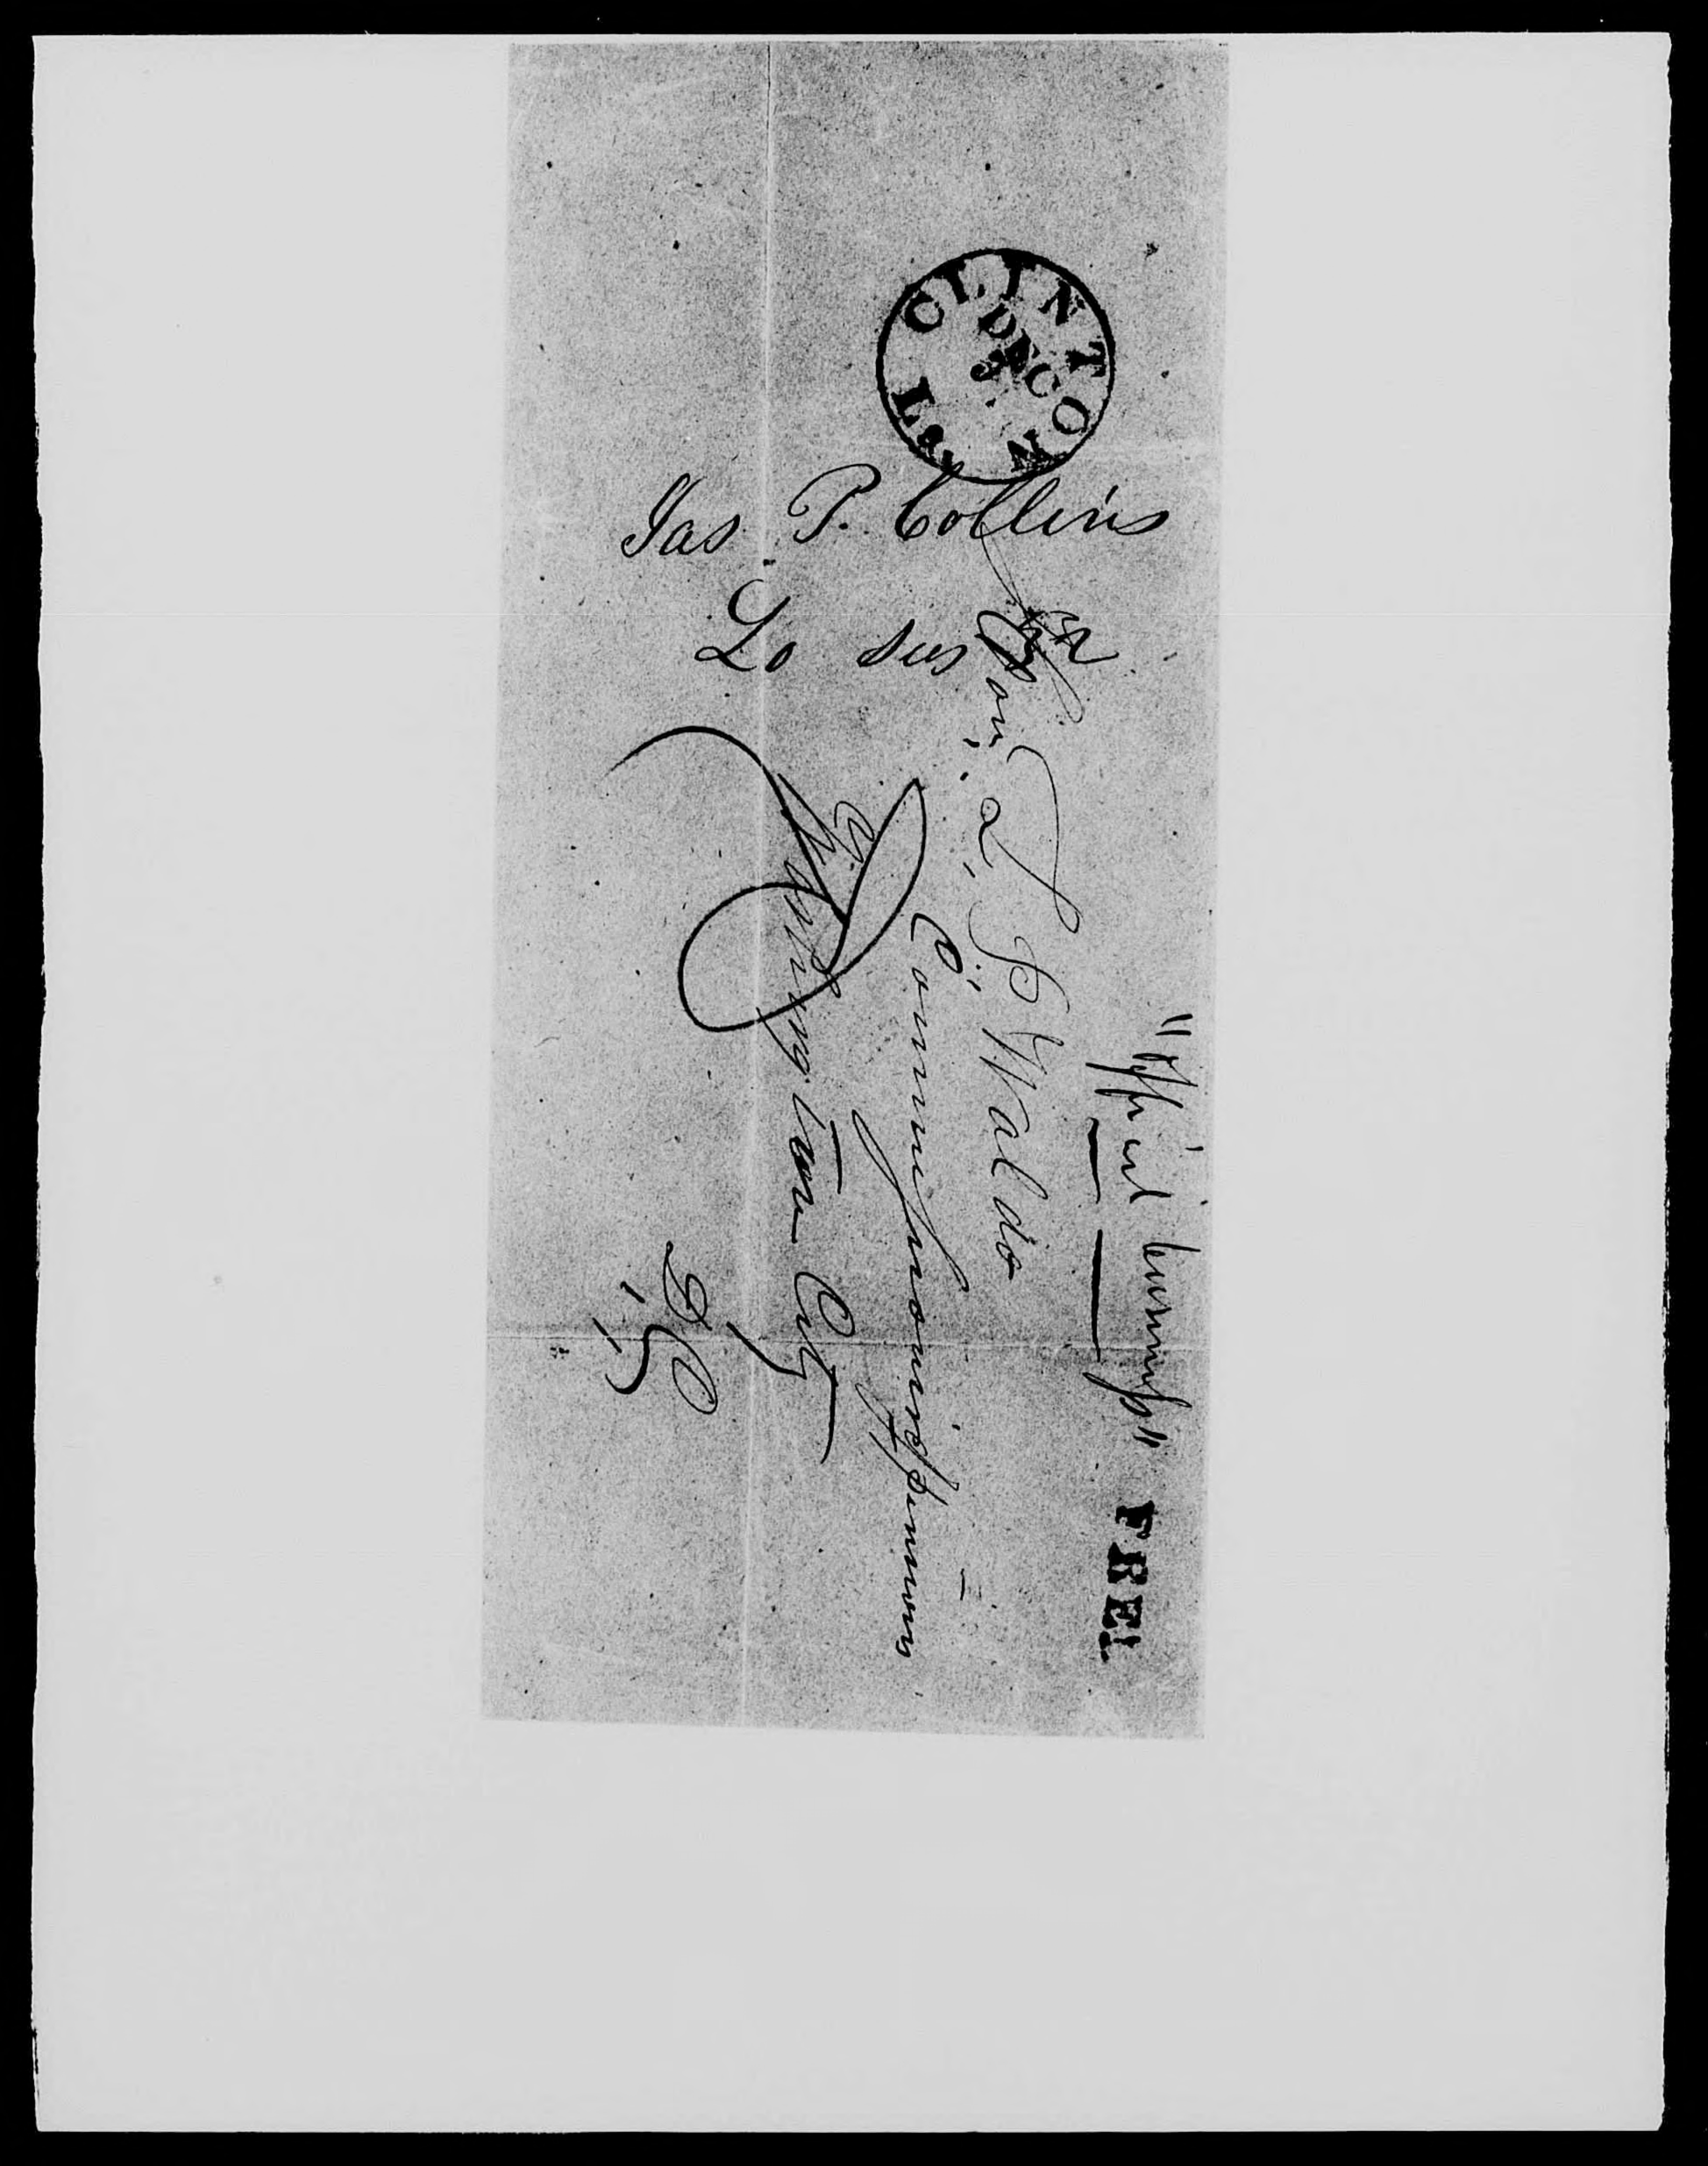[postal stamp]
CINTON
DEC
[illegible]
La.

Jas P Collins.

[illegible] Sus 32


R


"Official Business". FREE
_______________
Hon. L. P. Waldo
Commissioner  of Pensions
Washington City
D.C.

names: L P Waldo, Jas P Collins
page: 38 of 48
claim: rejected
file: R. 2173, James P Collins, S. C.